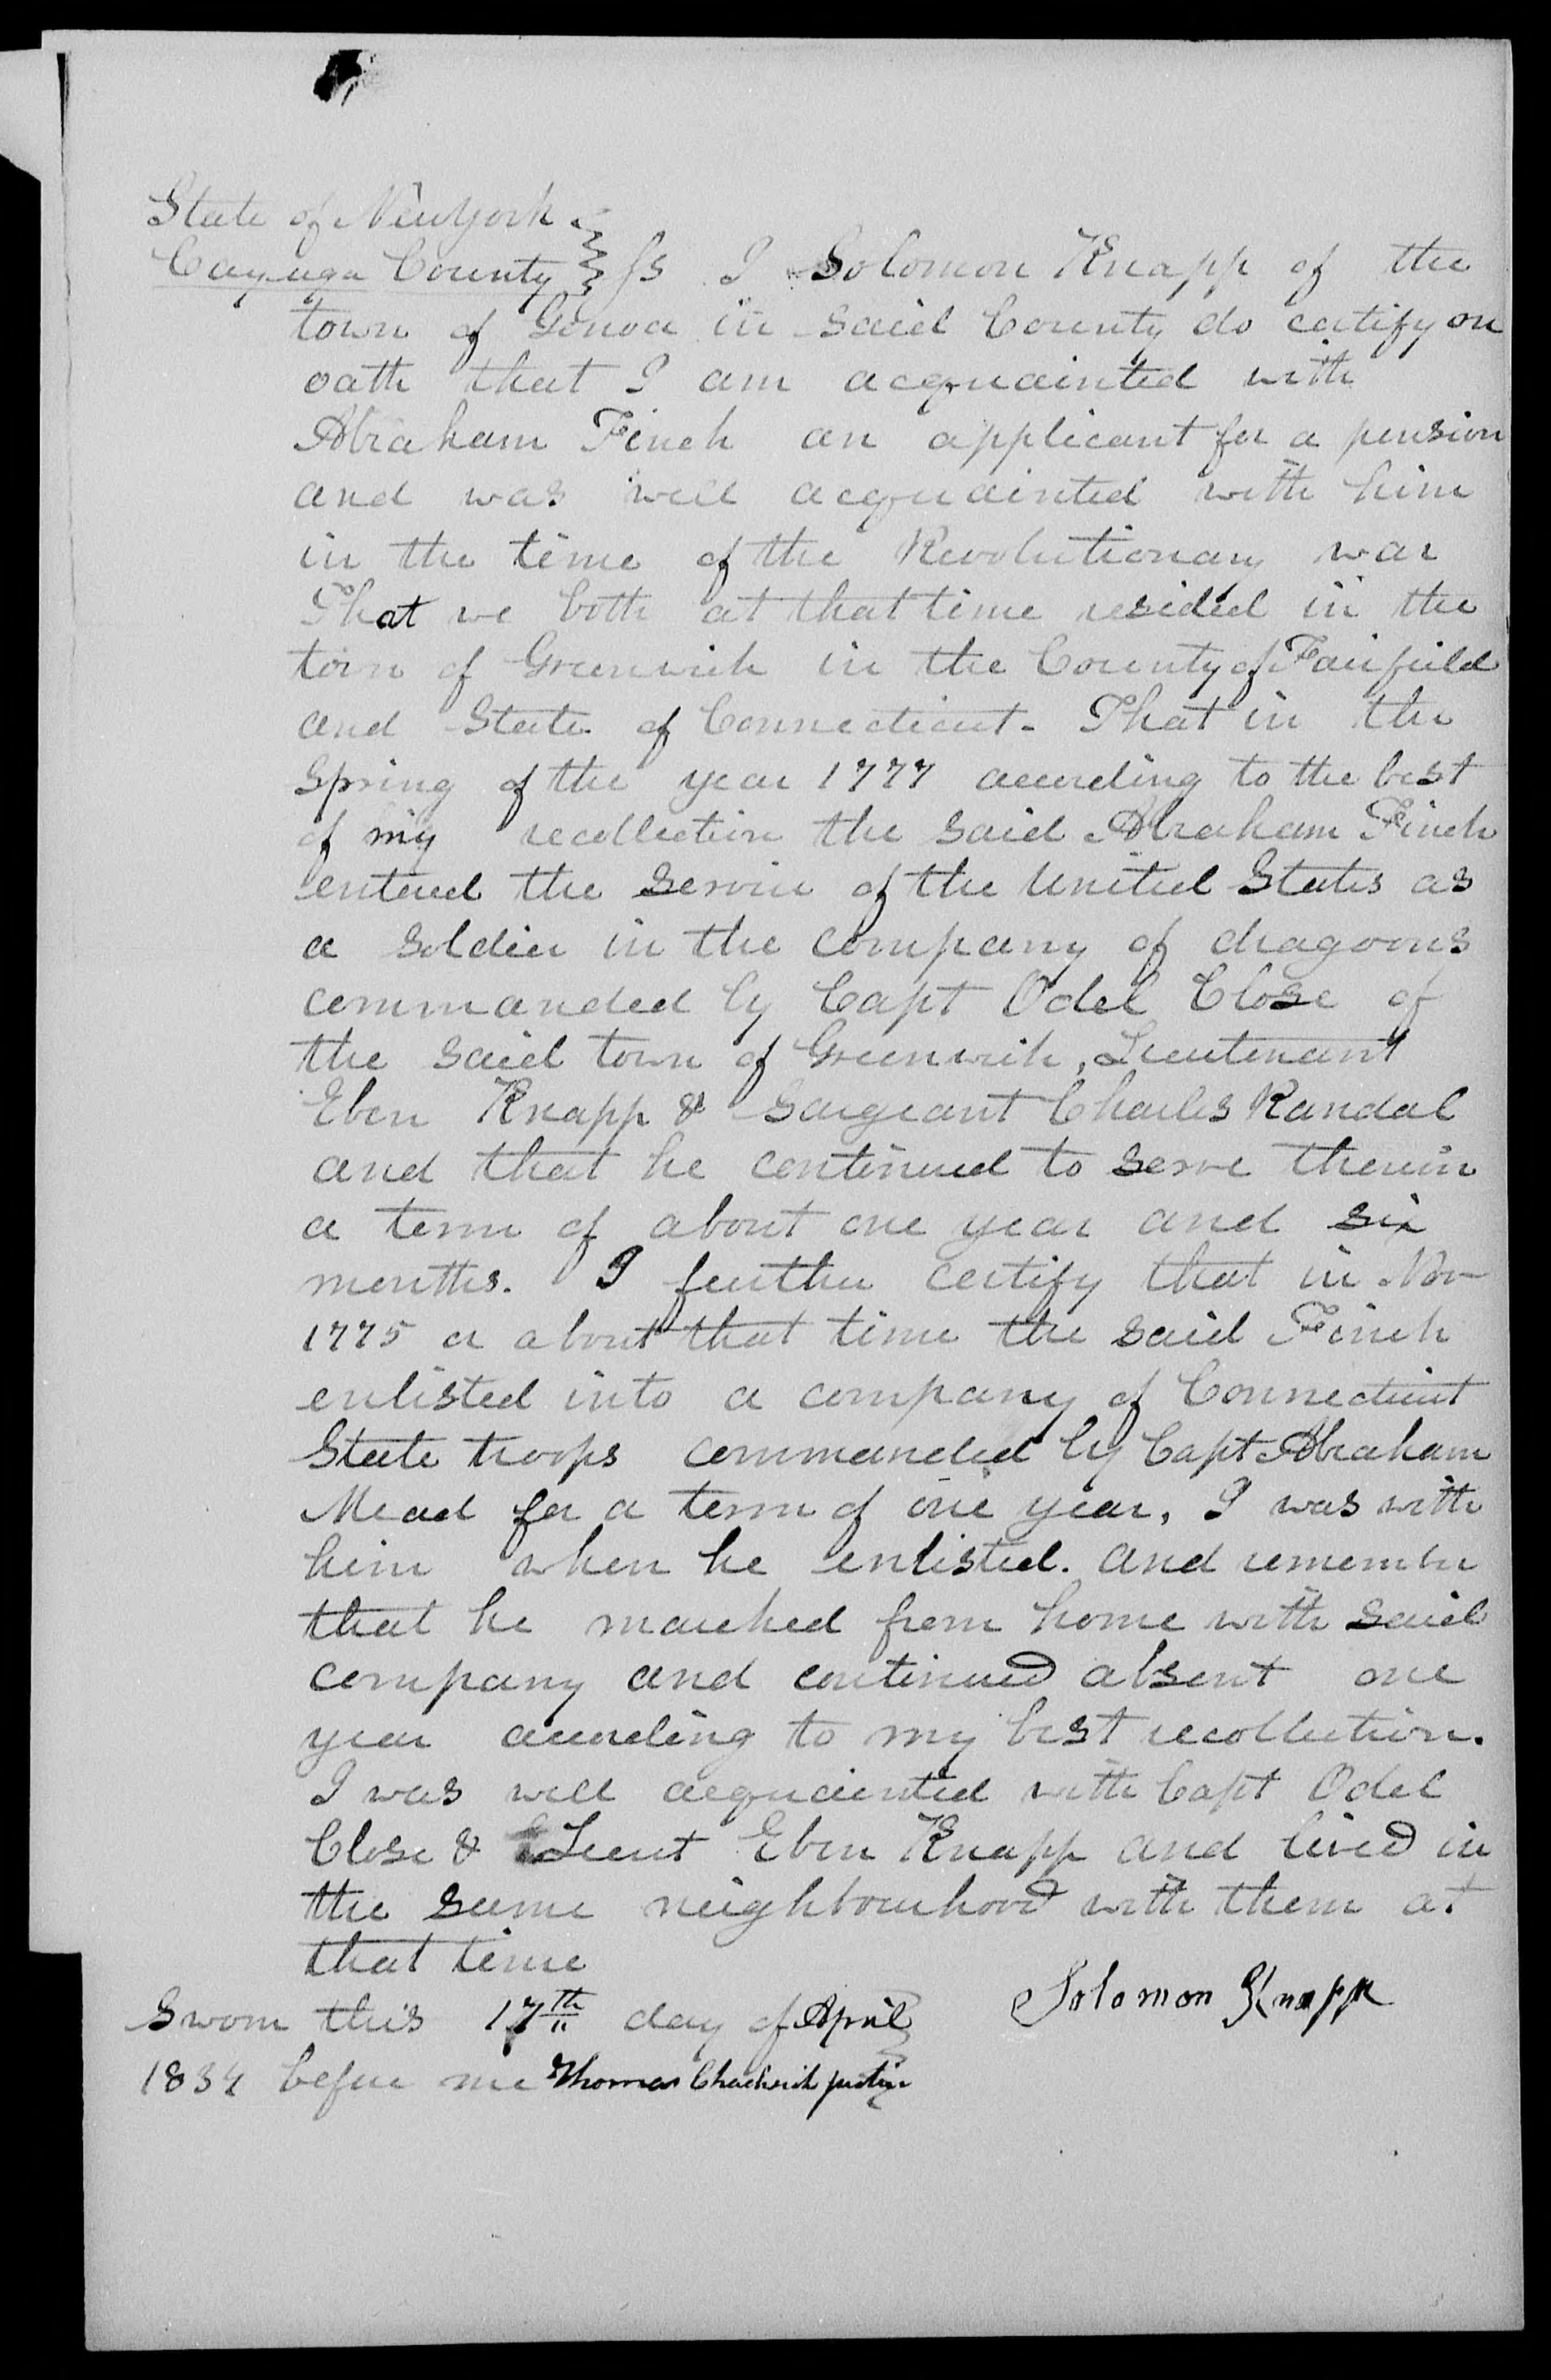State of New York
Cayuga County    }SS     I Solomon Knapp of the town of Genoa in said county do certify on oath that I am acquainted with Abraham Finch an applicant for a pension and was well acquainted with him in the time of the Revolutionary war. That we both at that time resided in the town of Greenwich in the County of Fairfield and State of Connecticut. That in the Spring of the year 1777 according to the best of my recollection the said Abraham Finch entered the service of the United States as a soldier in the company of dragoons commanded by Capt. Odel Close of the said town of Greenwich, Lieutenant Eben Knapp and Sargeant Charles Randal and that he continued to serve therein a term of about one year and six months. I further certify that in Nov 1775 or about that time the said Finch enlisted into a company of Connecticut State Troops commanded by Capt. Abraham mead for a term of one year. I was with him when he enlisted and remember that he marched from home with said company and continued absent one year according to my best recollection. I was well acquainted with Capt. Odel Close and Lieut. Eben Knapp and lived in the same neighborhood with them at that time.                                 Solomon Knapp
Sworn this 17th day of April
1834 before me Thomas Chadwick Justice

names: Eben Knapp, Abraham Finch, Odel Close, Odel Close, Solomon Knapp, Abraham Mead, Abraham Finch, Charles Randal, Thomas Chadwick, Finch, Solomon Knapp, Eben Knapp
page: 33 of 35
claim: survivor's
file: S. 28727, Abraham Finch, Conn.